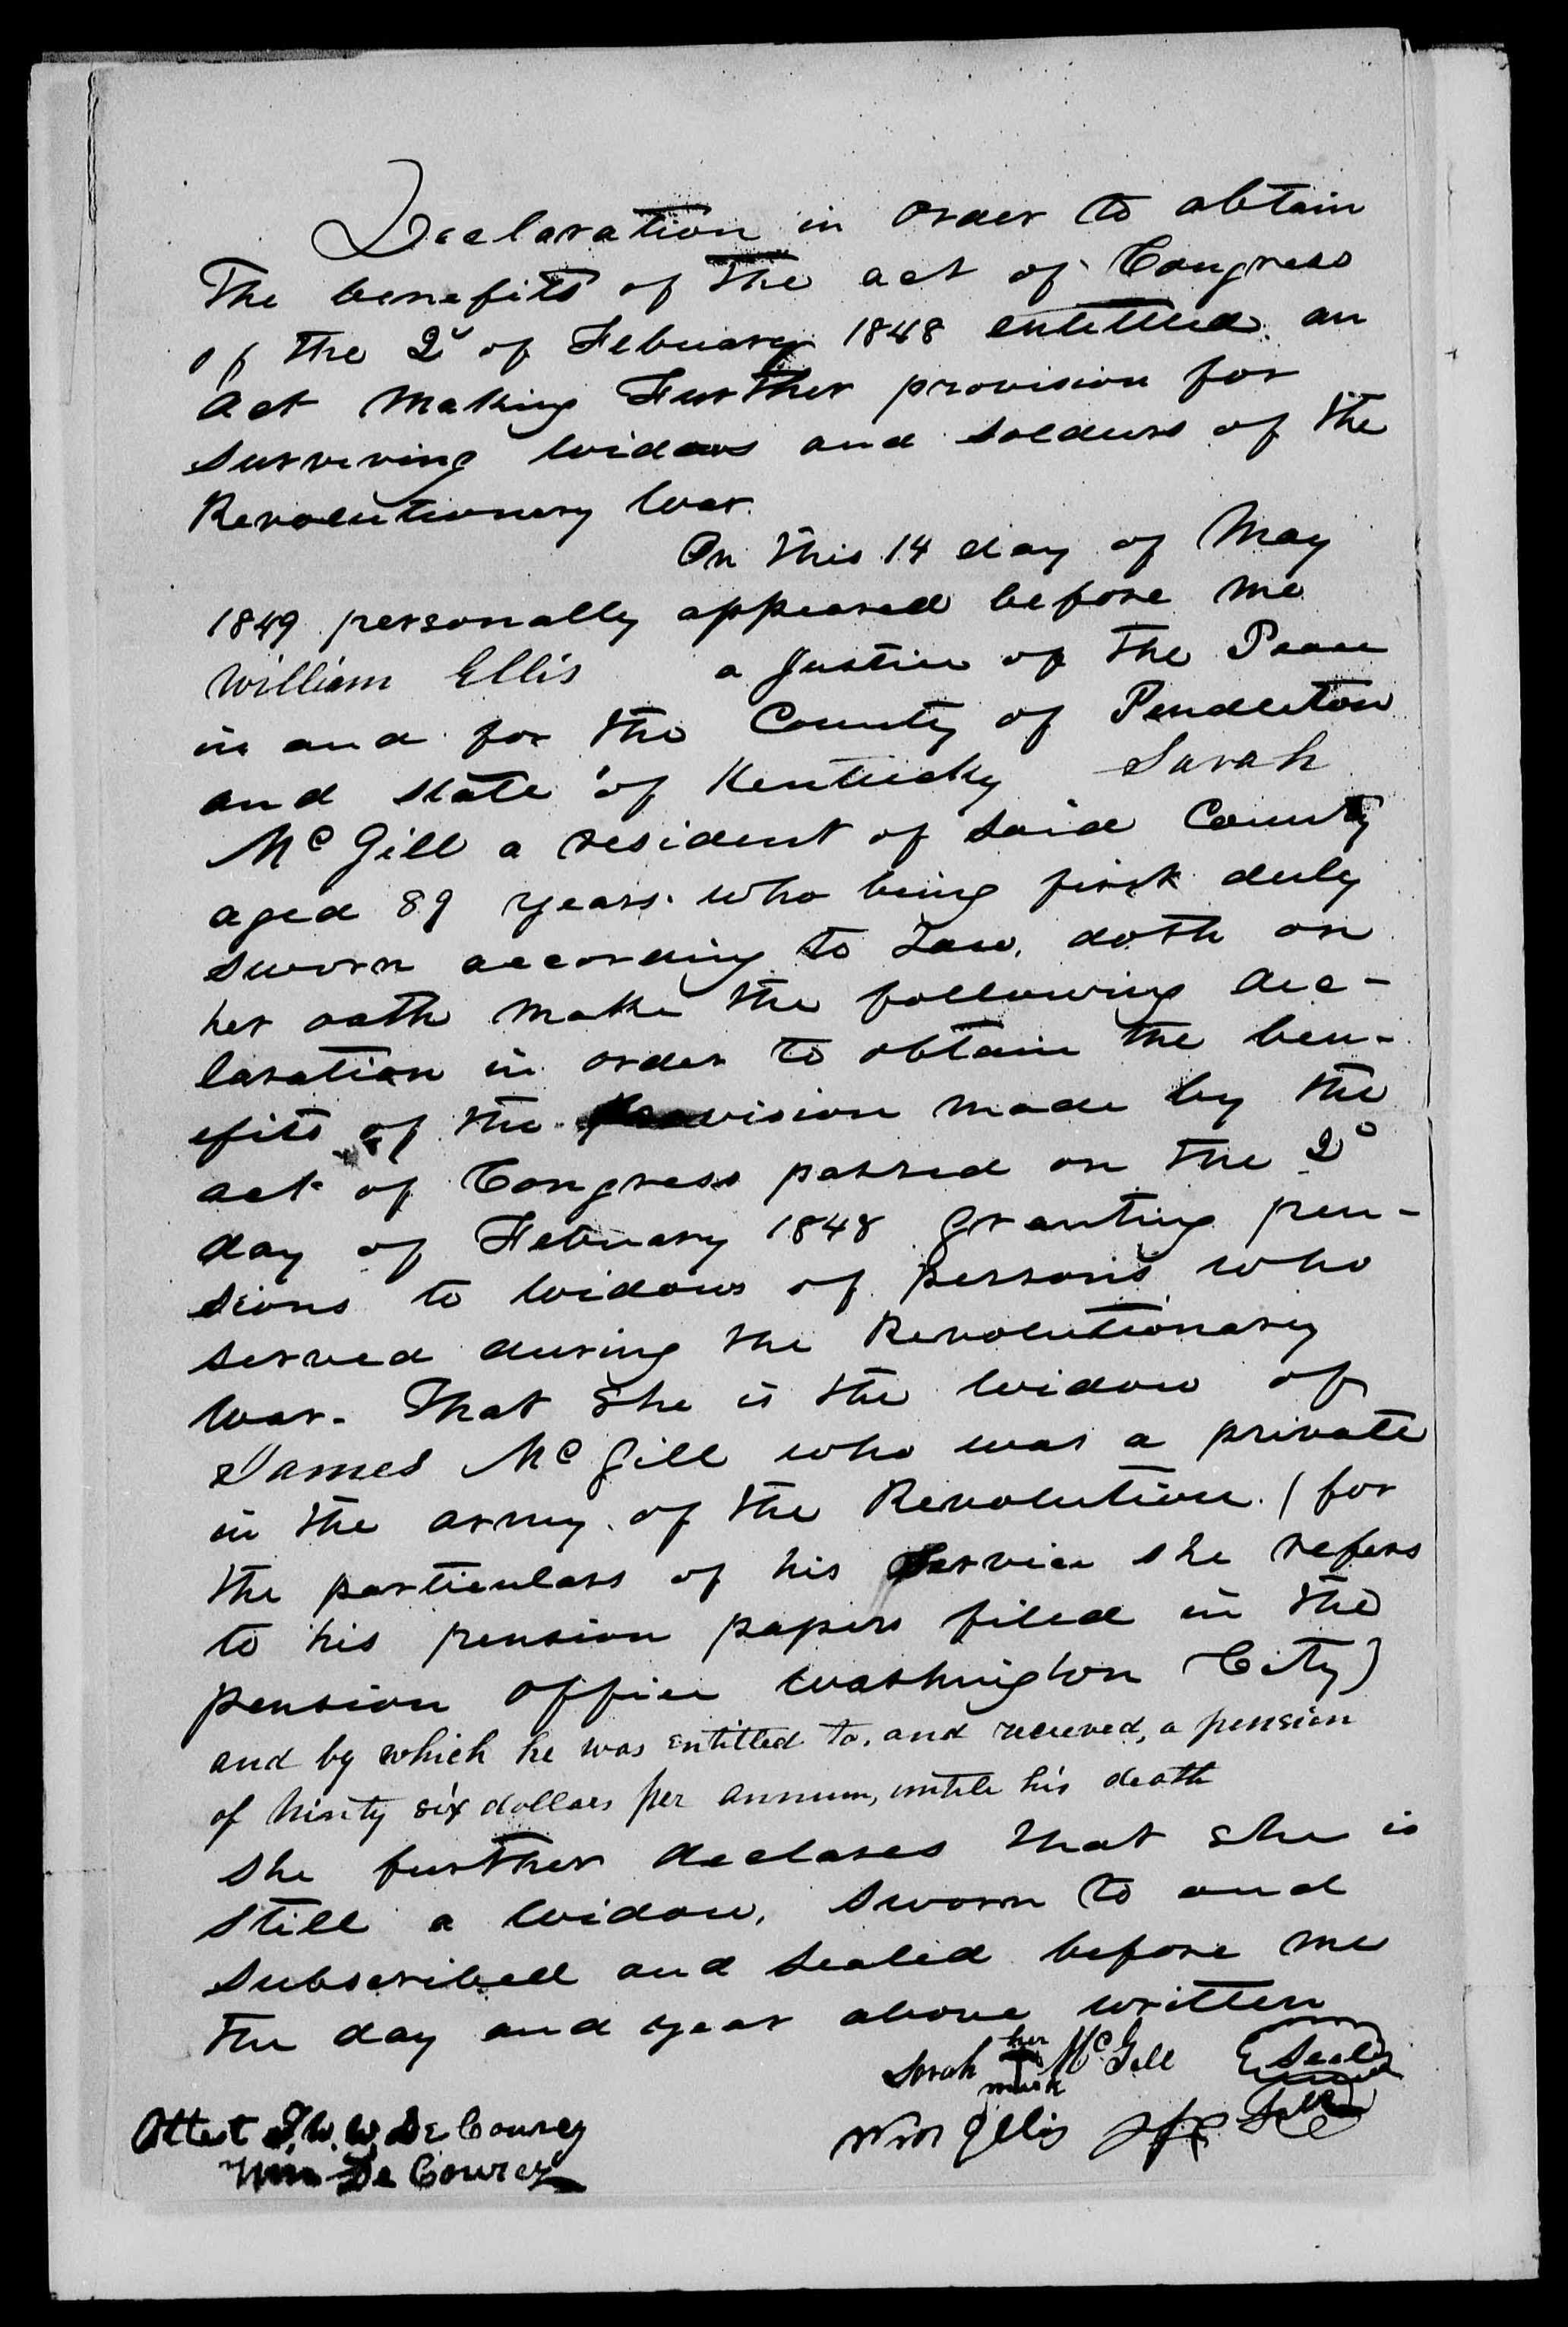Image 105		4160873_00105               Fold3 File #23857271

Declaration in order to obtain the benefits of the act of Congress of the 2d of February 1848 entitled an act making further provision for surviving widows and soldiers of the Revolutionary War. 

On this 14 day of May 1849 personally appeared before me William Ellis a Justice of the Peace in and for the County of Pendleton and state of Kentucky. Sarah McGill a resident of Said county aged 89 years, who being first duly sworn according to law, doth on her oath make the following declaration in order to obtain the benefits of the provision made by the act of Congress passed on the 2d day of February 1848 granting pensions to widows of persons who served during the revolutionary war. That she is the widow of James McGill who was a private in the army of the Revolution (for the particulars of his service she refers to his pension papers filed in the pension office Washington City) and by which he was entitled to, and received, a pension of ninety-six dollars per annum, until his death she further declares that she is still a widow, sworn to and subscribed and sealed before me one day and year above written.  
Sarah McGill [her mark] 	
Attest [illegible] W DeCourcy  Wm DeCourcy  	Wm Ellis  GPPC     [Seal]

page: 47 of 71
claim: widow's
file: W. 8428, for James Mc Gill, Pennsylvania